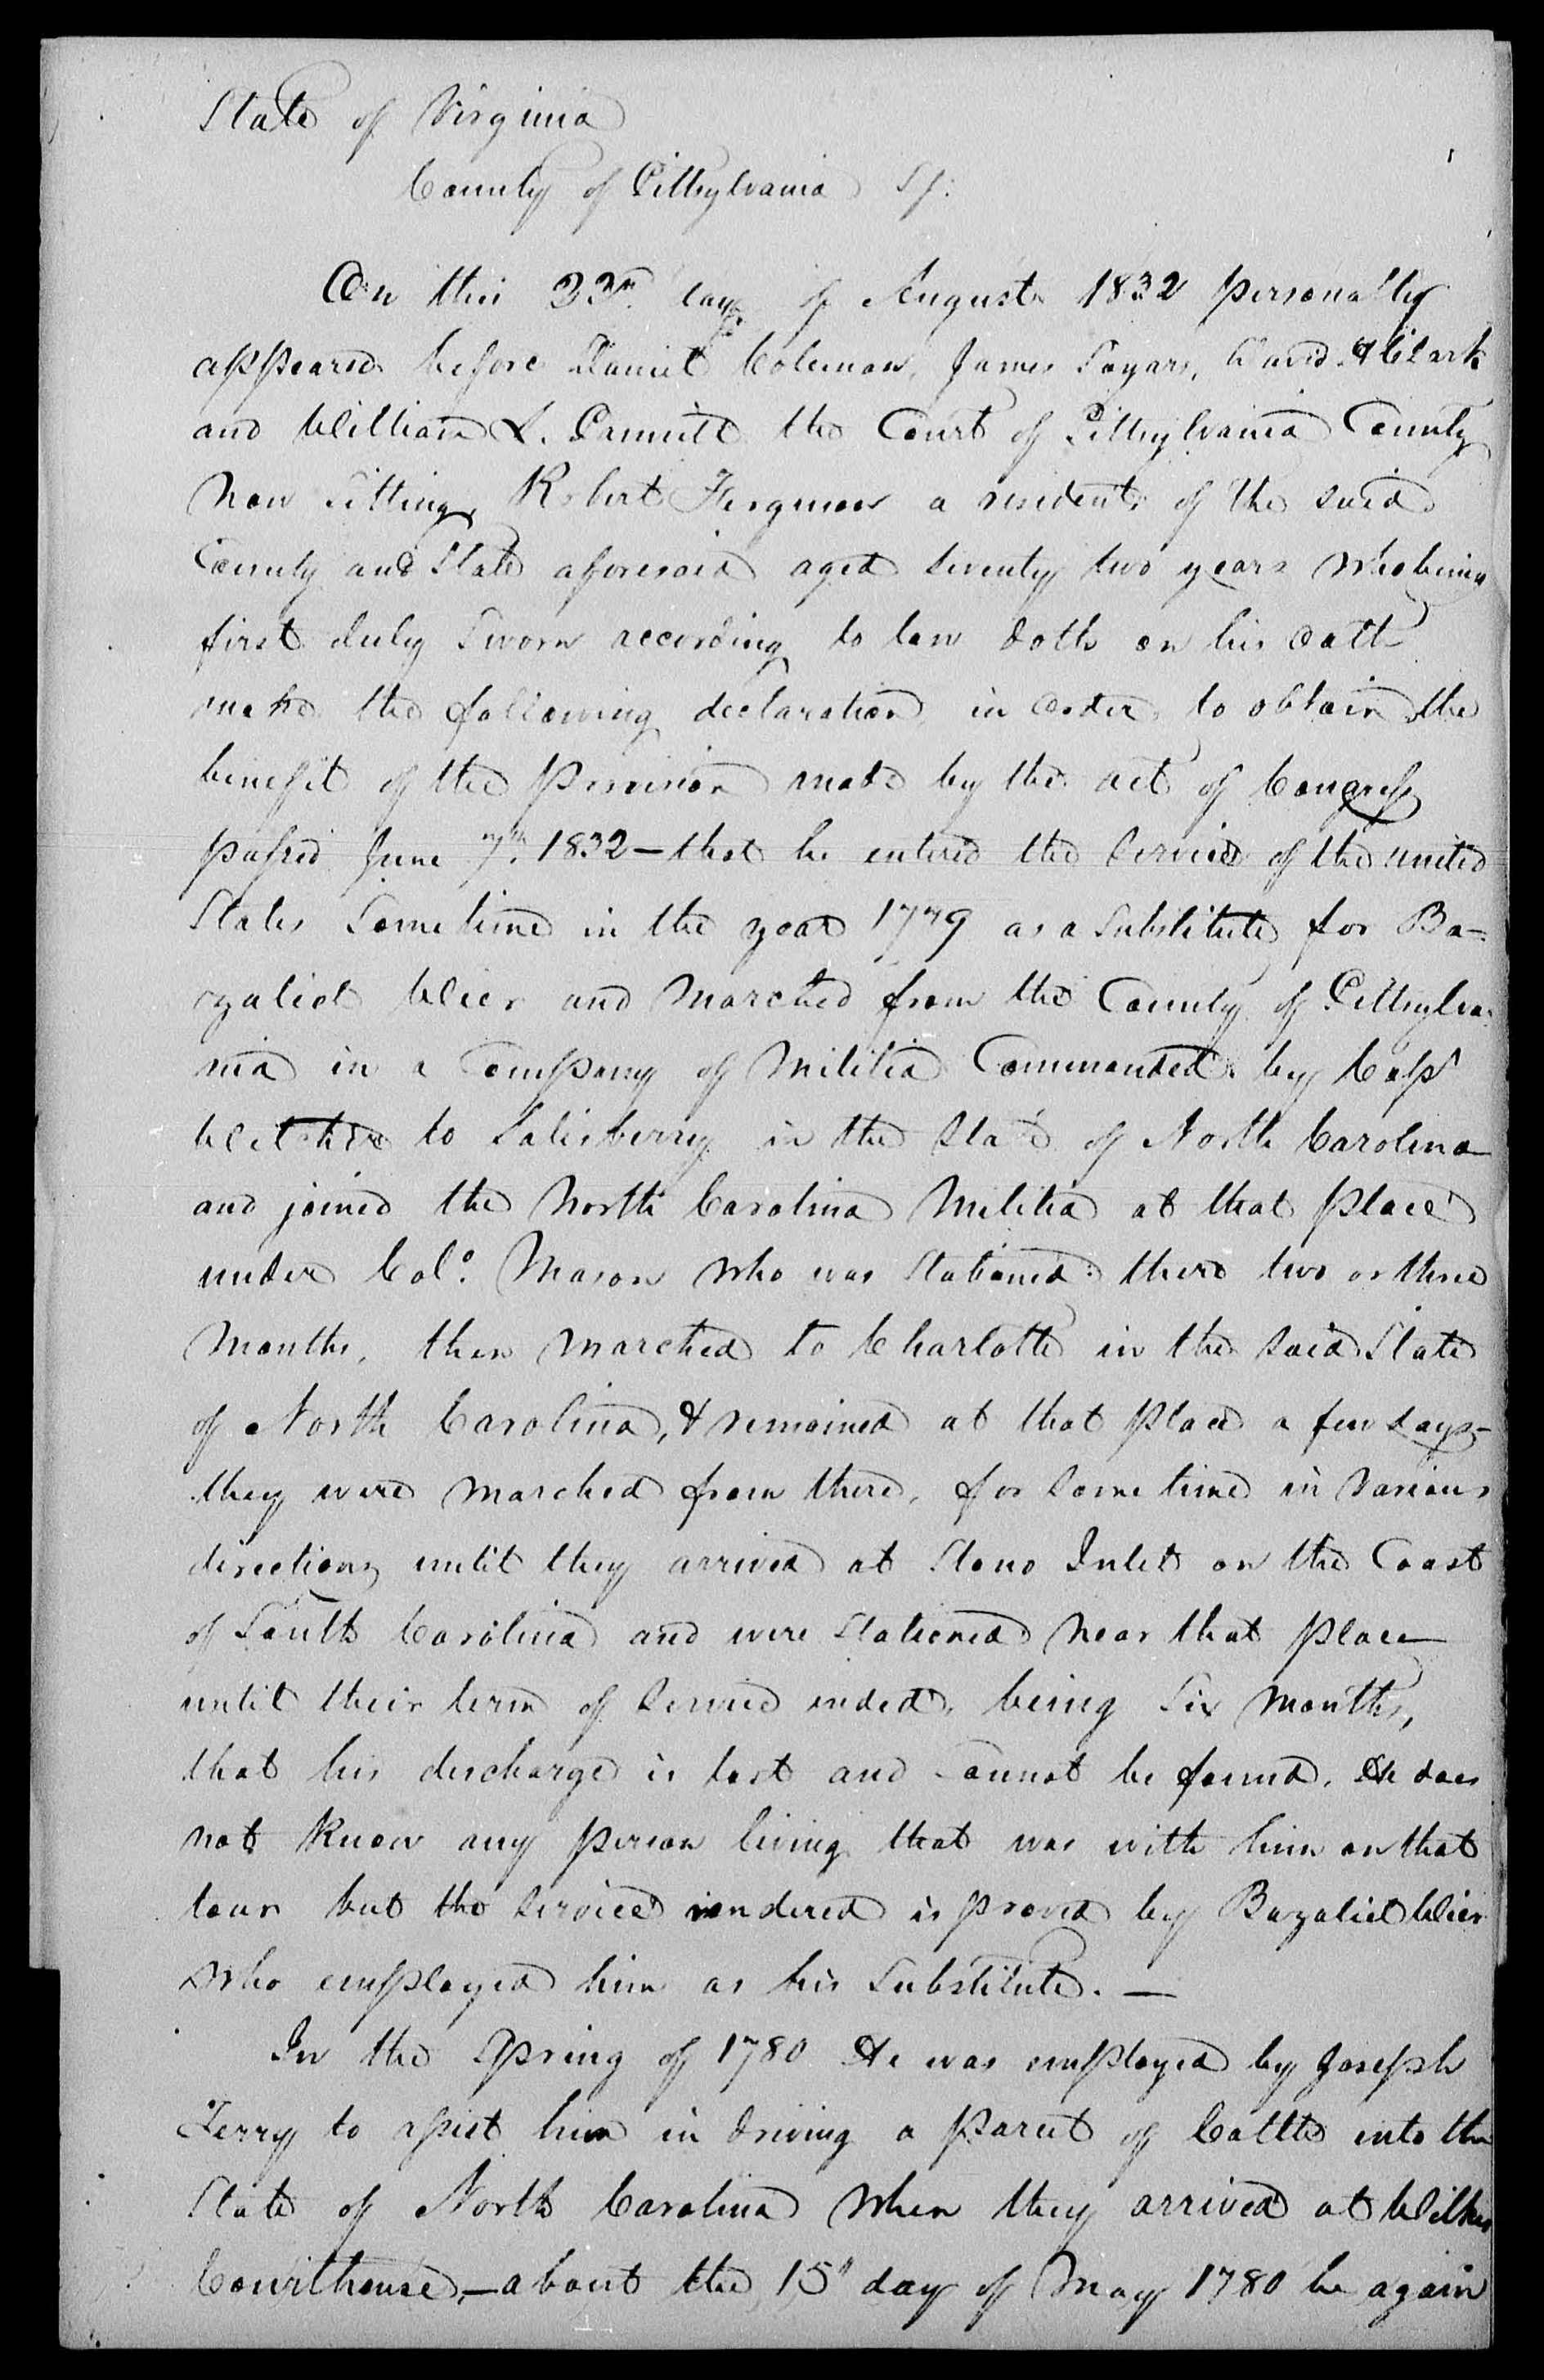State of virginia
county of Pittsylvania S.S.
On this 33rd day of August 1832 personally appeared before Daniel Coleman, James Sayars, David H Clark and William L. Parmitt the court of Pittsylvania County Now Sitting Robert Ferguson a resident of the said County and State aforesaid aged Seventy two years who being first duly sworn according to law doth on his oath make the following declaration in order to obtain the benefit of the provision made by the act of Congress passed June 7th, 1832- that he entered the service of the United States Sometime in the year 1779 as a substitute for Bacylict Wier (?) and Marched from the County of Pittsylvania in a Company of Militia Commanded by Capt. bletcher (?) to Salisberry in the State of North Carolina and joined the north Carolina Militia at that place under Col. Maron who was Stationed there two or three months, then marched to Charlotte in the said State of North Carolina, & remained at that place a few days- they were marched from there, for some time in Various directions until they arrived at Stone Inlet on the Coast of South Carolina and were Stationed Near that place until their term of service ended, being six months, that his discharge is lost and cannot be found. He does not know any person living that was with him on that tour but the service endured is proved by Bazalist Wier (?) who employed him as his substitute. -
In the Spring of 1780 He was employed by Joseph Terry to assist him in driving a parcel of Cattle into the State of North Carolina When they arrived at Wilkins Courthouse - about the 15" day of May 1780 he again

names: Daniel Coleman, Mason, David H Clark, James Sayar, Joseph Terry, William L Parmitt, Robert Ferguson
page: 14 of 81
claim: widow's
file: W. 7262, Robert Ferguson, Va.